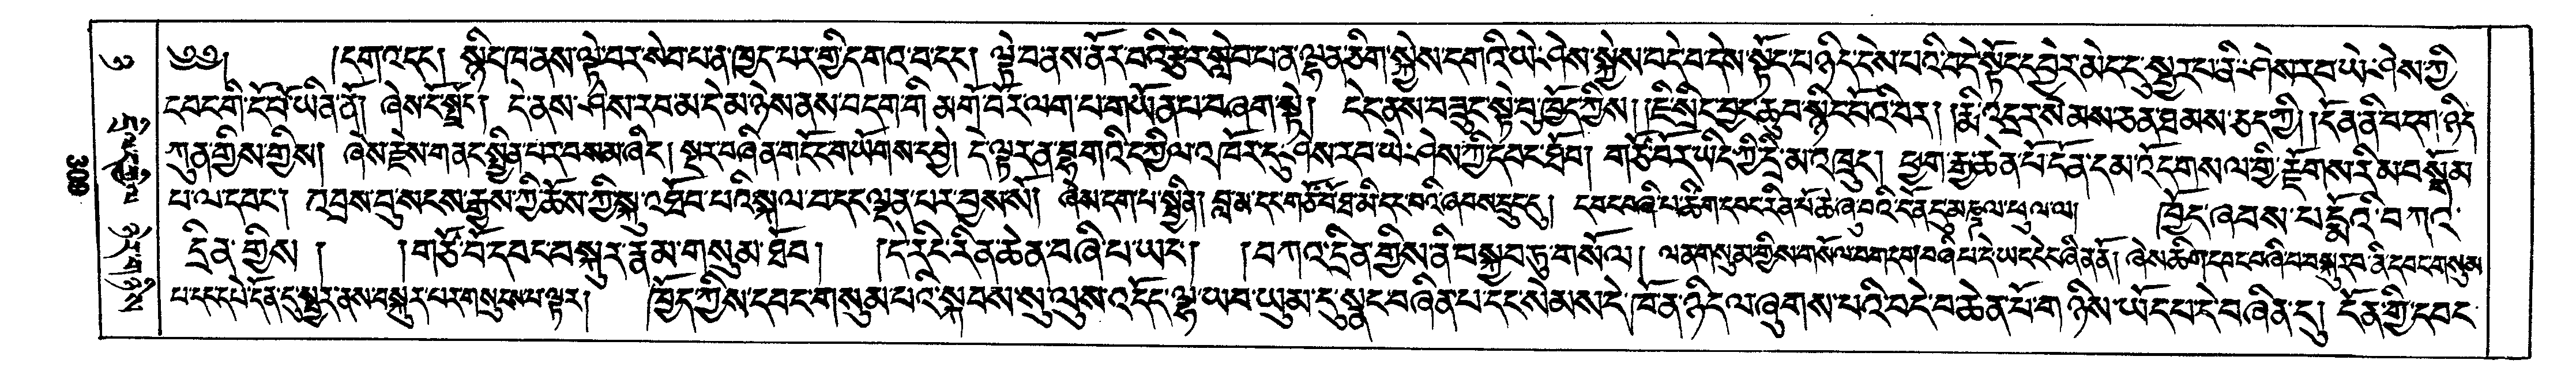༄༅། །དགའ་དང་། སྙིང་ཁ་ནས་ལྟེ་བར་སླེབ་བ་ན་ཁྱད་བར་གྱི་དགའ་བ་དང་། ལྟེ་བ་ནས་ནོར་བུའི་རྩེར་སླེབ་པ་ན་ལྷན་ཅིག་སྐྱེས་དགའི་ཡེ་ཤེས་སྐྱེས་བདེ་བ་དེས་སྟོང་བ་ཉིད་ངེས་པའི་བདེ་སྟོང་དབྱེར་མེད་དུ་སྦྱར་བ་ནི་ཤེས་རབ་ཡེ་ཤེས་ཀྱི་
དབང་གི་ངོ་བོ་ཡིན་ནོ། ཞེས་ངོ་སྤྲད། དེ་ནས་ཤེས་རབ་མ་དེ་མཉེས་ནས་བདག་གི་མགོ་བོར་ལག་པ་གཡོན་པ་བཞག་སྟེ། དེང་ནས་བཟུང་སྟེ་བུ་ཁྱོད་ཀྱིས། །ཇི་སྲིད་བྱང་ཆུབ་སྙིང་པོའི་བར། །རྨི་འདྲར་སེམས་ཅན་ཐམས་ཅད་ཀྱི། །དོན་ནི་བདག་ཉིད་
ཀུན་གྱིས་གྱིས། ཞེས་རྗེས་གནང་སྦྱིན་བར་བསམ་ཞིང་། སྔར་བཞིན་གདོང་གཡོགས་དབྱེ། དེ་ལྟར་ན་བྷ་གའི་དཀྱིལ་འཁོར་དུ་ཤེས་རབ་ཡེ་ཤེས་ཀྱི་དབང་ཐོབ། གཙོ་བོར་ཡིད་ཀྱི་དྲི་མ་འཁྲུད། ཕྱག་རྒྱ་ཆེན་པོ་དོན་དམ་འོད་གསལ་གྱི་རྫོགས་རིམ་བསྒོམ་
པ་ལ་དབང་། འབྲས་བུ་སངས་རྒྱས་ཀྱི་ཆོས་ཀྱི་སྐུ་འཐོབ་པའི་སྐལ་བ་དང་ལྡན་པར་བྱས་སོ། ཞེས་དག་པ་སྦྱིན། བླ་མ་དང་གཙོ་བོ་ཐ་མི་དད་པའི་ཞབས་དྲུང་དུ། དབང་བཞི་པ་ཚིག་དབང་རིན་པོ་ཆེ་ཞུ་བའི་དོན་དུ་མཎྜལ་ཕུལ་ལ། ཁྱོད་ཞབས་པདམོའི་བཀའ་
དྲིན་གྱིས། །གཙོ་བོ་དབན་བསྐུར་རྣམ་གསུམ་ཐོབ། །དེ་རིང་རིན་ཆེན་བཞིན་པ་ཡང་། །བཀའ་དྲིན་གྱིས་ནི་བསྐྱབ་ཏུ་གསོལ། ལན་གསུམ་གྱིས་གསོལ་བ་གདབ། བཞི་པ་དེ་ཡང་དེ་བཞིན་ནོ། །ཞེས་ཚིག་དབང་བཞི་བ་བསྐུར་བ་ནི་དང་གསུམ་
པ་དང་དཔེ་དོན་དུ་སྦྱར་ནས་བསྐུར་བར་གསུངས་པ་ལྟར། ཁྱོད་ཀྱིས་དབང་གསུམ་པའི་སྐབས་སུ་ལུས་འདོད་ལྷ་ཡབ་ཡུམ་དུ་སྣང་བཞིན་པ་དང་སེམས་དེ་ཁོ་ན་ཉིད་ལ་ཞུག་པའི་བདེ་བ་ཆེན་པོ་གཉིས་ཡོད་པ་དེ་བཞིན་དུ། དོན་གྱི་དབང་